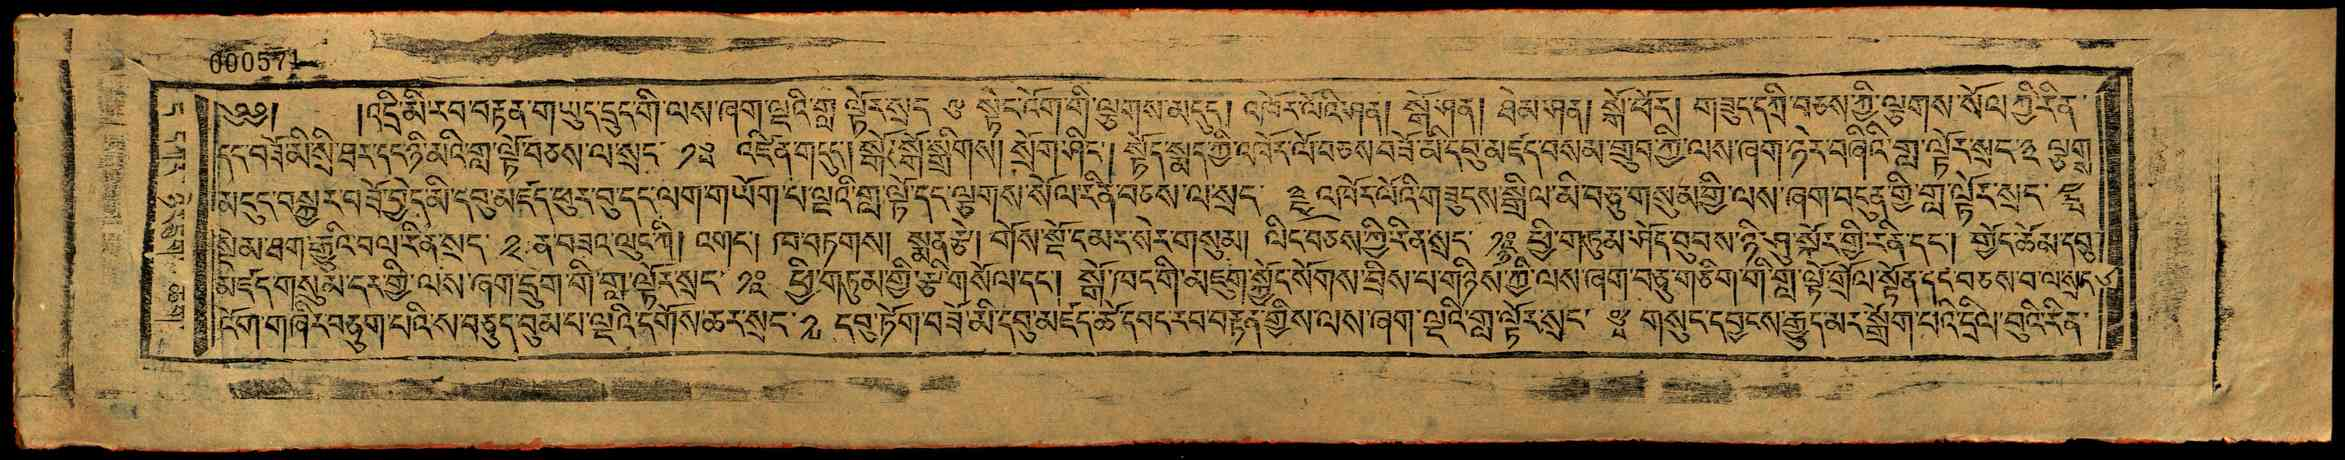༄༅། །འདྲི་མི་རབ་བརྟན་གཡུང་དྲུང་གི་ལས་ཞག་ལྔའི་གླ་ལྟོར་སྲང་༠༦་སྟེང་འོག་གི་ལྕགས་མདུང་། འཁོར་ལོའི་ཤ་ན། སྒོར་ཤེན། ཐིམ་ཤན། སྒོ་ཕོར། གཟུང་དཀྲི་བཅས་ཀྱི་ལྕགས་སོལ་གྱི་རིན་
དང་བཟོ་མི་སྲི་ཐར་དང་ཉི་མའི་གླ་ལྟོ་བཅས་ལ་སྲང ༡༦༥་འཛིན་གདུང་། སྒོ༑ སྒོ་སྒྲིགས། སྲོག་ཤིང་། སྟོད་སྨད་ཀྱི་འཁོར་ལོ་བཅས་བཟོ་མི་དབུ་མཛད་བསམ་གྲུབ་ཀྱི་ལས་ཞག་ཉེར་བཞིའི་གླ་ལྟོར་སྲང ༣་ལྕགས་
མདུང་བསྐྱར་བཟོ་བྱེད་མི་དབུ་མཛད་ཕུར་བུ་དང་ལག་གཡོག་པ་ལྔའི་གླ་ལྟོ་དང་ལྕགས་སོལ་རིན་བཅས་ལ་སྲང ༣་འཁོར་ལོའི་གཟུངས་སྒྲིལ་མི་བཅུ་གསུམ་གྱི་ལས་ཞག་བདུན་གྱི་གླ་ལྟོར་སྲང ༤༠༥
སྡེ་མ་ཐག་རྒྱུའི་བལ་རིན་སྲང ༣་ན་བཟའ་ལུང་ཀི། འགང་། ཁ་བཏགས། སྨན་རྩེ། གོས་སྡོ་དམར་སར་གསུམ། ལིང་བཅས་ཀྱི་རིན་སྲས། ༡༦༢༣་ཕྱི་གཏུམ་ཤོད་བུ་བས་ཉི་ཤུ་སྐོར་གྱི་རིན་དང་། གྱོང་ཚོམ་དབུ་
མཛད་གསུམ་དར་གྱི་ལས་ཞག་དྲུག་གི་གླ་ལྟོར་སྲང ༡༠༢་ཕྱི་གཏུམ་གྱི་རྩི་གསོལ་དང་། སྒོ་ཁང་གི་མཇུག་སྐྱོང་སོགས་བྲིས་པ་གཉིས་ཀྱི་ལས་ཞག་བཅུ་གཅིག་གི་གླ་ལྟོ་གྲོལ་སྟོན་དང་བཅས་པ་ལ་སྲང་
འོག་གཞིར་བཅུག་པའི་ས་བཅུད་བུམ་པ་ལྔའི་དགོས་ཆང་སྲང ༡༧༠་དབུ་ཏོག་བཟོ་མི་དབུ་མཛད་ཆེ་དཔར་རབ་བརྟན་གྱིས་ལས་ཞག་ལྔའི་གླ་ལྟོར་སྲང ༠༦༥་གསུང་དབྱངས་རྒྱུད་མར་སྒྲོག་པའི་དྲིལ་བུའི་རིན་